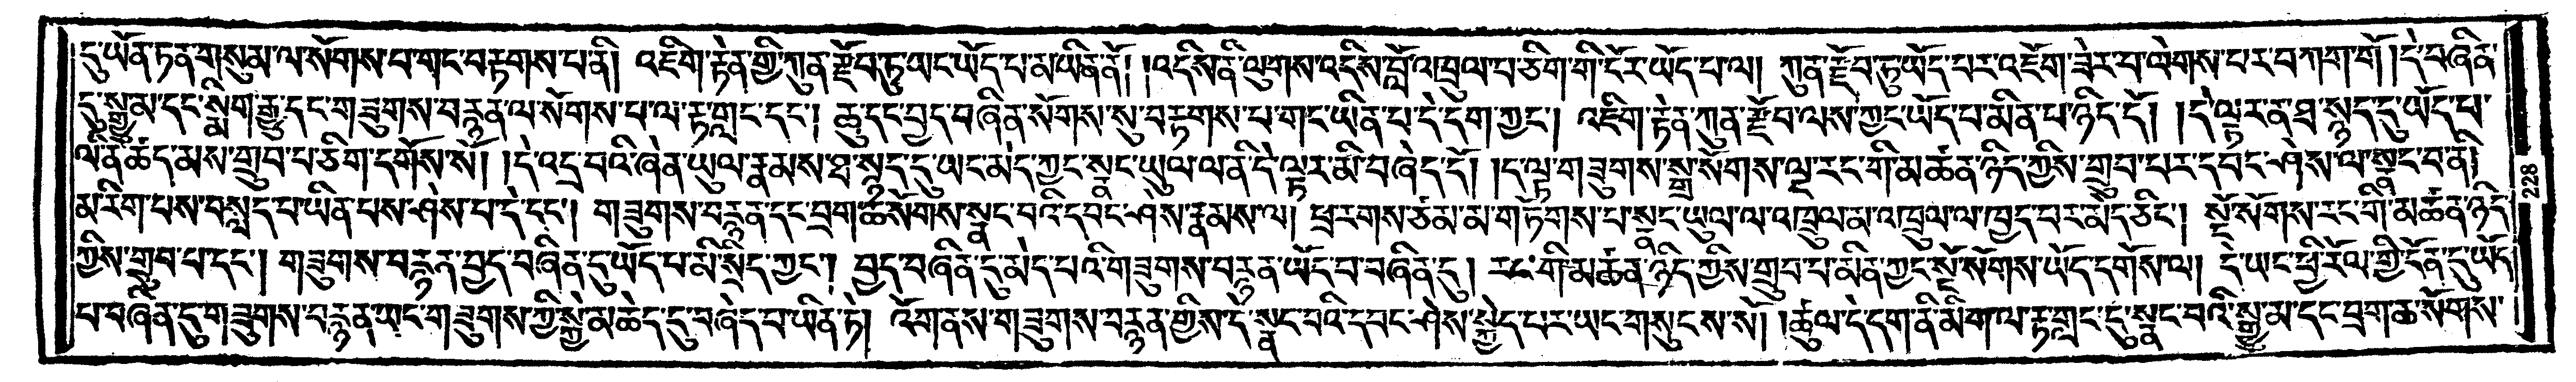དུ་ཡོན་ཏན་གསུམ་ལ་སོགས་པ་གང་བརྟགས་པ་ནི། འཇིག་རྟེན་གྱི་ཀུན་རྫོབ་ཏུ་ཡང་ཡོད་པ་མ་ཡིན་ནོ། །འདིས་ནི་ལུགས་འདིས་བློ་འཁྲུལ་པ་ཅིག་གི་ངོར་ཡོད་པ་ལ། ཀུན་རྫོབ་ཏུ་ཡོད་པར་འཇོག་ཟེར་བ་ལེགས་པར་བཀག་གོ །དེ་བཞིན་
དུ་སྒྱུ་མ་དང་སྨིག་རྒྱུ་དང་གཟུགས་བརྙན་ལ་སོགས་པ་ལ་རྟ་གླང་དང་། ཆུ་དང་བྱད་བཞིན་སོགས་སུ་བརྟགས་པ་གང་ཡིན་པ་དེ་དག་ཀྱང་། འཇིག་རྟེན་ཀུན་རྫོབ་ལས་ཀྱང་ཡོད་པ་མིན་པ་ཉིད་དོ། །དེ་ལྟར་ན་ཐ་སྙད་དུ་ཡོད་པ་
ལ་ནི་ཚད་མས་གྲུབ་པ་ཞིག་དགོས་སོ། །དེ་འདྲ་བའི་ཞེན་ཡུལ་རྣམས་ཐ་སྙད་དུ་ཡང་མེད་ཀྱང་སྣང་ཡུལ་ལ་ནི་དེ་ལྟར་མི་བཞེད་དོ། །ད་ལྟ་གཟུགས་སྒྲ་སོགས་ལྔ་རང་གི་མཚན་ཉིད་ཀྱིས་གྲུབ་པར་དབང་ཤེས་ལ་སྣང་བ་ནི།
མ་རིག་པས་བསླད་པ་ཡིན་པས་ཤེས་པ་དེ་དང་། གཟུགས་བརྙན་དང་བྲག་ཆ་སོགས་སྣང་བའི་དབང་ཤེས་རྣམས་ལ། ཕྲ་རགས་ཙམ་མ་གཏོགས་པ་སྣང་ཡུལ་ལ་འཁྲུལ་མ་འཁྲུལ་ལ་ཁྱད་པར་མེད་ཅིང་། སྔོ་སོགས་རང་གི་མཚན་ཉིད་
ཀྱིས་གྲུབ་པ་དང་། གཟུགས་བརྙན་བྱད་བཞིན་དུ་ཡོད་པ་མི་སྲིད་ཀྱང་། བྱད་བཞིན་དུ་མེད་པའི་གཟུགས་བརྙན་ཡོད་པ་བཞིན་དུ། རང་གི་མཚན་ཉིད་ཀྱིས་གྲུབ་པ་མིན་ཀྱང་སྔོ་སོགས་ཡོད་དགོས་ལ། དེ་ཡང་ཕྱི་རོལ་གྱི་དོན་དུ་ཡོད་
པ་བཞིན་དུ་གཟུགས་བརྙན་ཡང་གཟུགས་ཀྱི་སྐྱེ་མཆེད་དུ་བཞེད་པ་ཡིན་ཏེ། འོག་ནས་གཟུགས་བརྙན་གྱིས་དེ་སྣང་བའི་དབང་ཤེས་སྐྱེད་པར་ཡང་གསུངས་སོ། །ཚུལ་དེ་དག་ནི་མིག་ལ་རྟ་གླང་དུ་སྣང་བའི་སྒྱུ་མ་དང་བྲག་ཆ་སོགས་